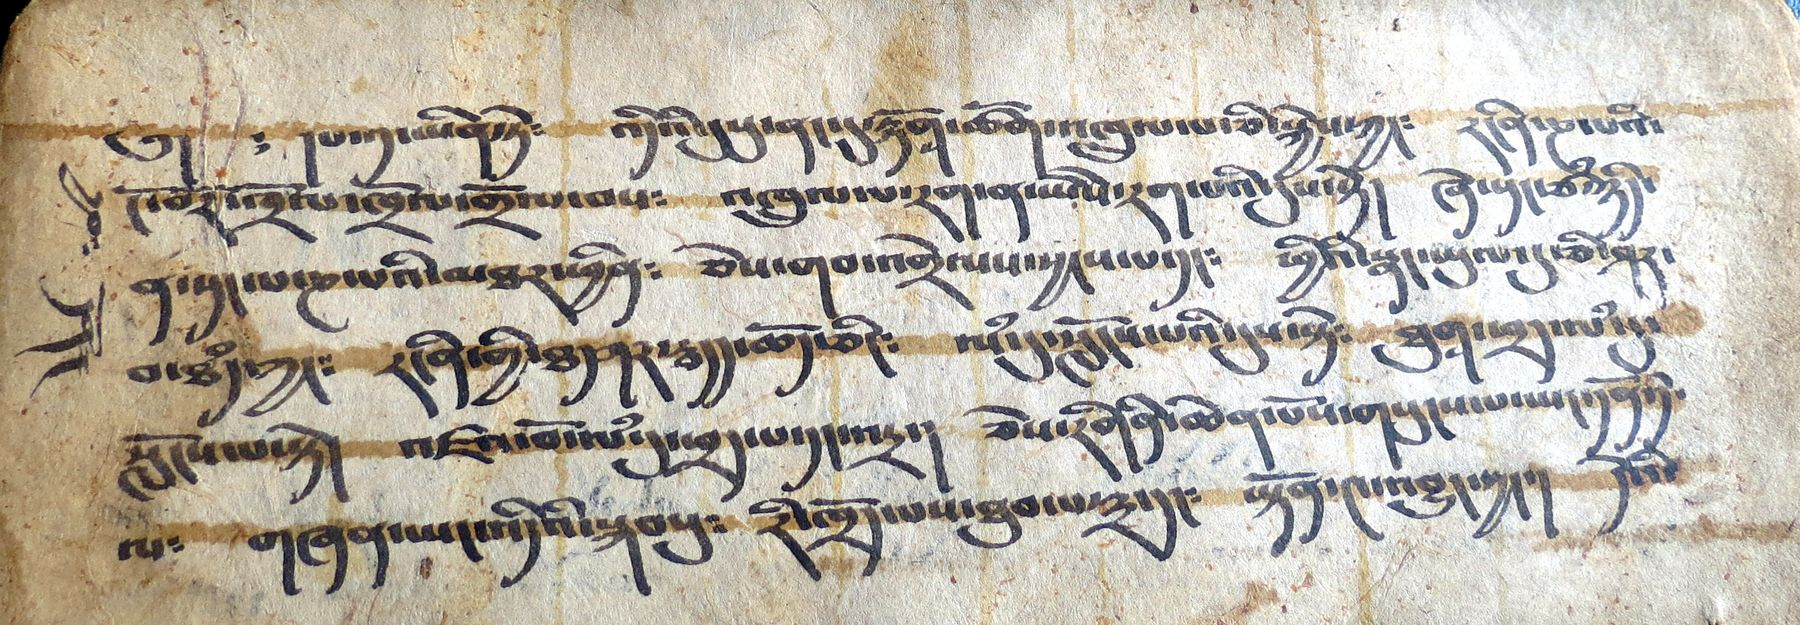པ་ཞིག་ཡིན་ཏེ། འདིའི་དུས་སུ་ནང་དུ་རྟོག་ཚོགས་འཁྲུལ་པ་ཅི་སྐྱེས་ཀྱང་། རང་བཞིན་མེད་པས་
ངོ་བོར་ཁྲོལ་ཁྲོལ་གྲོལ་བས། འཁྲུལ་པ་རགས་ན་ཡེ་ཤེས་རགས་པའི་དུས་ཏེ། ཞེ་སྡང་ཙམ་ཉིད་
ན་སྡང་བ་མེད་པས་མཐར་ཕྱིན། ཅེས་གབ་འགྲེལ་ལས་གསུངས་པ་དང་། ཕྱི་ཡི་སྣང་ཡུལ་དུ་ཅི་ཤར་
བ་ཐམས་ཅད་ཀྱང་། རང་བཞིན་གྱིས་ཐད་ཀར་རྦད་རྦད་བཅད་ཅིང་། ལམ་དུ་སློང་བའི་དུས་ཏེ། ཐུག་ཕྲད་ལམ་དུ་
སློང་བ་སྟེ། མཛའ་བོ་ལམ་དུ་འཕྲད་པ་འདྲ། ཅེས་རིག་འཛིན་ཆེན་པོས་གསུངས་པ་ཡང་དོན་དེ་
ལ། གཞན་ཡང་འདིའི་སྐབས་སུ། རི་ཁྲོད་པས་ཐུབ་པ་གསུམ་དང་། ཡོན་ཏན་བཞི་འབྱུང་གསུངས། དེའི་